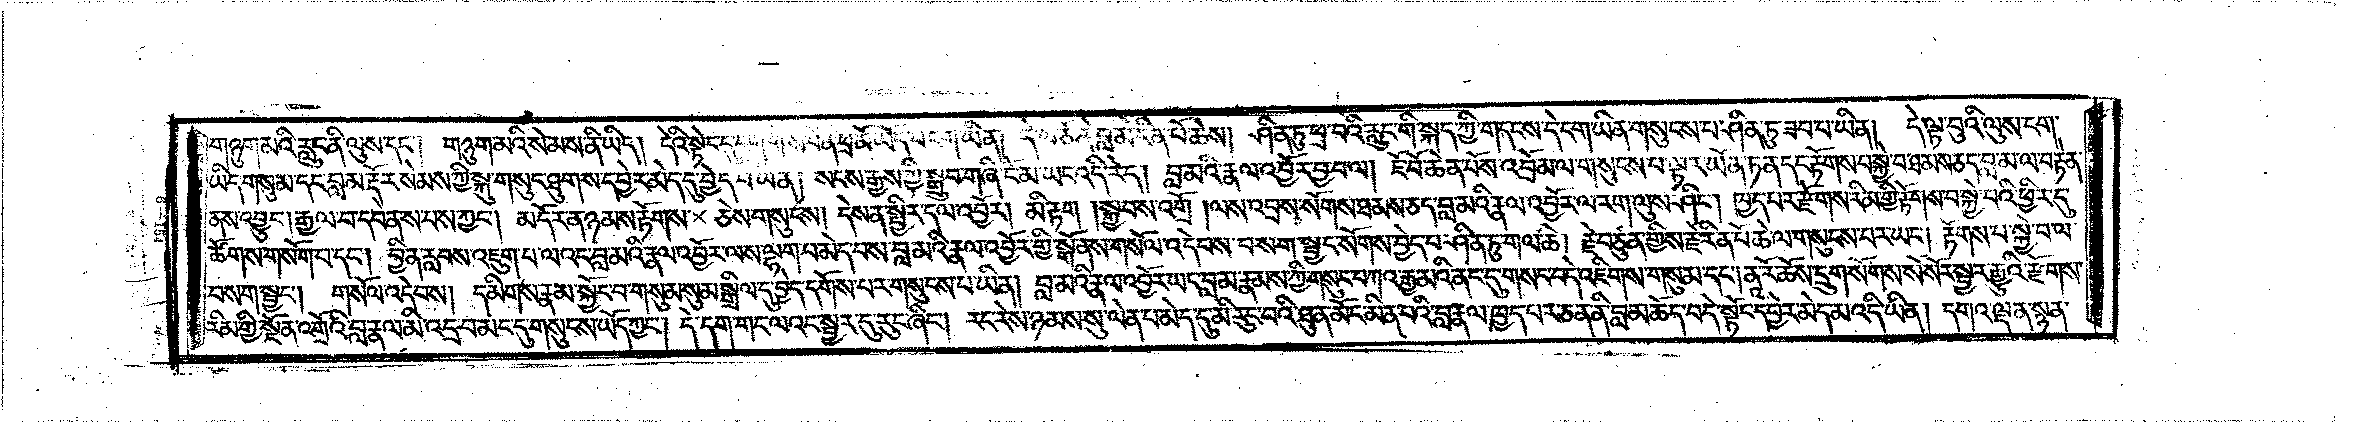གཉུག་མའི་རླུང་ནི་ལུས་དང་། གཉུག་མའི་སེམས་ནི་ཡིད། དེའི་སྟེང་དུ་དག་གི་ས་བོན་ཕྲ་མོ་ཡོད་པ་དག་ཡིན། དེ་ལ་ཅོ་ནེ་བླ་མ་རིན་པོ་ཆེས། ཤིན་ཏུ་ཕྲ་བའི་རླུང་གི་སྐད་ཀྱི་གདངས་དེ་ངག་ཡིན་གསུངས་པ་ཤིན་ཏུ་ཟབ་པ་ཡིན། དེ་ལྟ་བུའི་ལུས་ངག་
ཡིད་གསུམ་དང་བླ་མ་རྡོར་སེམས་ཀྱི་སྐུ་གསུང་ཐུགས་དབྱེར་མེད་དུ་བྱེད་པ་ཡིན། སངས་རྒྱས་ཀྱི་སྒྲུབ་གཞི་ངོམ་ཡང་འདི་རེད། བླ་མའི་རྣལ་འབྱོར་བྱ་བ་ལ། ཇོ་བོ་ཆེན་པོས་འབྲོམ་ལ་གསུངས་པ་ལྟར་ཡོན་ཏན་དང་རྟོགས་པ་སྐྱེ་བ་ཐམས་ཅད་བླ་མ་ལ་བརྟེན་
ནས་འབྱུང་། རྒྱལ་བ་དབེན་ས་པས་ཀྱང་། མདོར་ན་ཉམས་རྟོགས་྾་ཅེས་གསུངས། དེས་ན་སྤྱིར་དལ་འབྱོར། མི་རྟག །སྐྱབས་འགྲོ་།ལས་འབྲས་སོགས་ཐམས་ཅད་བླ་མའི་རྣལ་འབྱོར་ལ་རག་ལུས་ཤིང་། ཁྱད་པར་རྫོགས་རིམ་གྱི་རྟོགས་བསྐྱེ་པའི་ཕྱིར་དུ་
ཚོགས་གསོག་པ་དང་། བྱིན་རླབས་འཇུག་པ་ལའང་བླ་མའི་རྣལ་འབྱོར་ལས་ལྷག་པ་མེད་པས་བླ་མའི་རྣལ་འབྱོར་གྱི་སྒོ་ནས་གསོལ་འདེབས་བསག་སྦྱང་སོགས་བྱེད་པ་ཤིན་ཏུ་གལ་ཆེ། རྗེ་བཙུན་གྱིས་རྗེ་རིན་པོ་ཆེ་ལ་གསུངས་པར་ཡང་། རྟོགས་པ་སྐྱེ་བ་ལ་
བསག་སྦྱང་། གསོལ་འདེབས། དམིགས་རྣམ་སྐྱོང་བ་གསུམ་སུམ་སྒྲིལ་དུ་བྱེད་དགོས་པར་གསུངས་པ་ཡིན། བླ་མའི་རྣལ་འབྱོར་ཡང་བླ་མ་རྣམས་ཀྱི་གསུང་བཀའ་རྒྱ་མའི་ནང་དུ་གསང་བདེ་འཇིགས་གསུམ་དང་།ནཱ་རོ་ཆོས་དྲུག་སོགས་སོ་སོར་སྦྱར་རྒྱུའི་རྫོགས་
རིམ་གྱི་སྔོན་འགྲོའི་བླ་རྣལ་མི་འདྲ་བ་མང་དུ་གསུངས་ཡོད་ཀྱང་། དེ་དག་གང་ལའང་སྦྱར་དུ་རུང་ཞིང་། རང་རེས་ཉམས་སུ་ལེན་པ་མེད་དུ་མི་རུང་བའི་ཐུན་མོང་མིན་པའི་བླ་རྣལ་ཁྱད་པར་ཅན་ནི་བླ་མཆོད་བདེ་སྟོང་དབྱེར་མེད་མ་འདི་ཡིན། དགའ་ལྡན་སྙན་